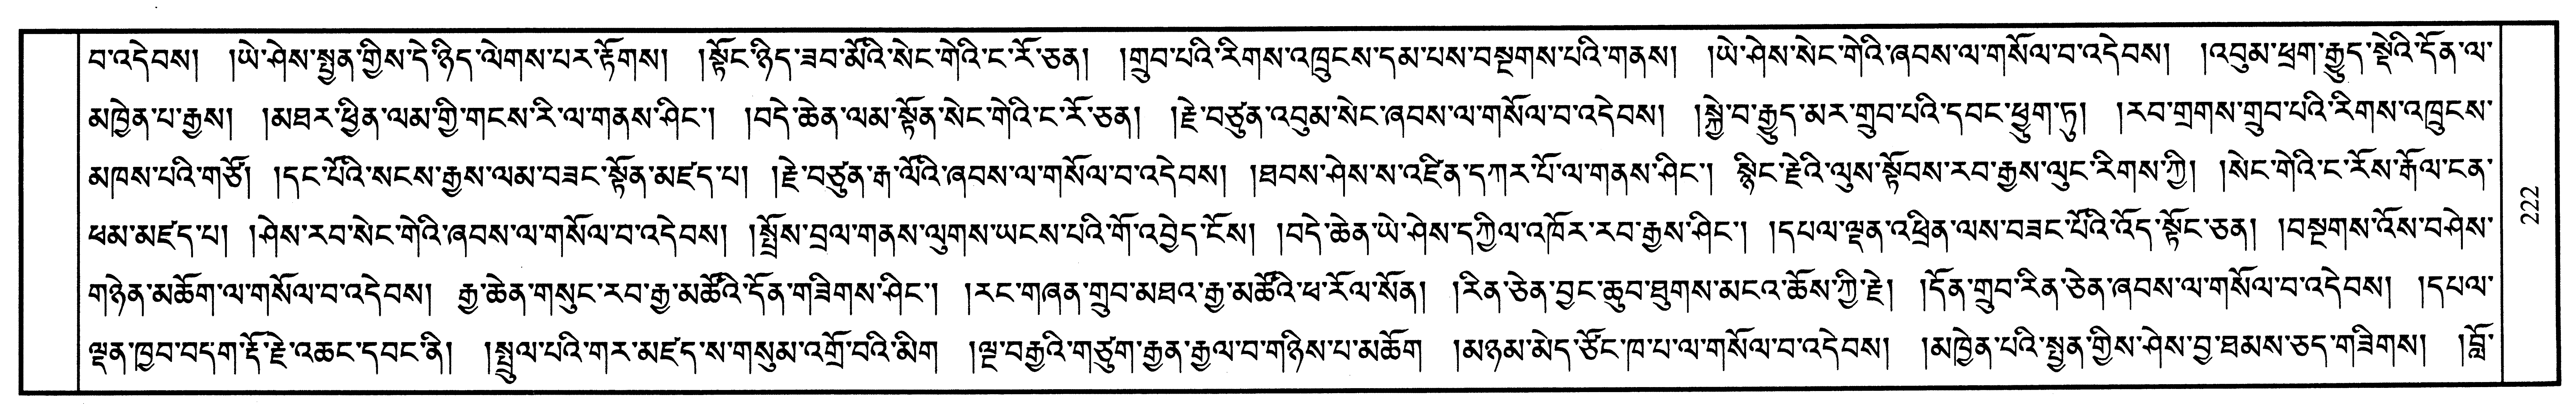བ་འདེབས། །ཡེ་ཤེས་སྤྱན་གྱིས་དེ་ཉིད་ལེགས་པར་རྟོགས། །སྟོང་ཉིད་ཟབ་མོའི་སེང་གེའི་ང་རོ་ཅན། །གྲུབ་པའི་རིགས་འཁྲུངས་དམ་པས་བསྔགས་པའི་གནས། །ཡེ་ཤེས་སེང་གེའི་ཞབས་ལ་གསོལ་བ་འདེབས། །འབུམ་ཕྲག་རྒྱུད་སྡེའི་དོན་ལ་
མཁྱེན་པ་རྒྱས། །མཐར་ཕྱིན་ལམ་གྱི་གངས་རི་ལ་གནས་ཤིང་། །བདེ་ཆེན་ལམ་སྟོན་སེང་གེའི་ང་རོ་ཅན། །རྗེ་བཙུན་འབུམ་སེང་ཞབས་ལ་གསོལ་བ་འདེབས། །སྐྱེ་བ་རྒྱུད་མར་གྲུབ་པའི་དབང་ཕྱུག་ཏུ། །རབ་གྲགས་གྲུབ་པའི་རིགས་འཁྲུངས་
མཁས་པའི་གཙོ། །དང་པོའི་སངས་རྒྱས་ལམ་བཟང་སྟོན་མཛད་པ། །རྗེ་བཙུན་རྒ་ལོའི་ཞབས་ལ་གསོལ་བ་འདེབས། །ཐབས་ཤེས་ས་འཛིན་དཀར་པོ་ལ་གནས་ཤིང་། སྙིང་རྗེའི་ལུས་སྟོབས་རབ་རྒྱས་ལུང་རིགས་ཀྱི། །སེང་གེའི་ང་རོས་རྒོལ་ངན་
ཕམ་མཛད་པ། །ཤེས་རབ་སེང་གེའི་ཞབས་ལ་གསོལ་བ་འདེབས། །སྤྲོས་བྲལ་གནས་ལུགས་ཡངས་པའི་གོ་འབྱེད་ངོས། །བདེ་ཆེན་ཡེ་ཤེས་དཀྱིལ་འཁོར་རབ་རྒྱས་ཤིང་། །དཔལ་ལྡན་འཕྲིན་ལས་བཟང་པོའི་འོད་སྟོང་ཅན། །བསྔགས་འོས་བཤེས་
གཉེན་མཆོག་ལ་གསོལ་བ་འདེབས། རྒྱ་ཆེན་གསུང་རབ་རྒྱ་མཚོའི་དོན་གཟིགས་ཤིང་། །རང་གཞན་གྲུབ་མཐའ་རྒྱ་མཚོའི་ཕ་རོལ་སོན། །རིན་ཅེན་བྱང་ཆུབ་ཐུགས་མངའ་ཆོས་ཀྱི་རྗེ། །དོན་གྲུབ་རིན་ཅེན་ཞབས་ལ་གསོལ་བ་འདེབས། །དཔལ་
ལྡན་ཁྱབ་བདག་རྡོ་རྗེ་འཆང་དབང་ནི། །སྤྲུལ་པའི་གར་མཛད་ས་གསུམ་འགྲོ་བའི་མིག །ལྔ་བརྒྱའི་གཙུག་རྒྱན་རྒྱལ་བ་གཉིས་པ་མཆོག །མཉམ་མེད་ཙོང་ཁ་པ་ལ་གསོལ་བ་འདེབས། །མཁྱེན་པའི་སྤྱན་གྱིས་ཤེས་བྱ་ཐམས་ཅད་གཟིགས། །བློ་